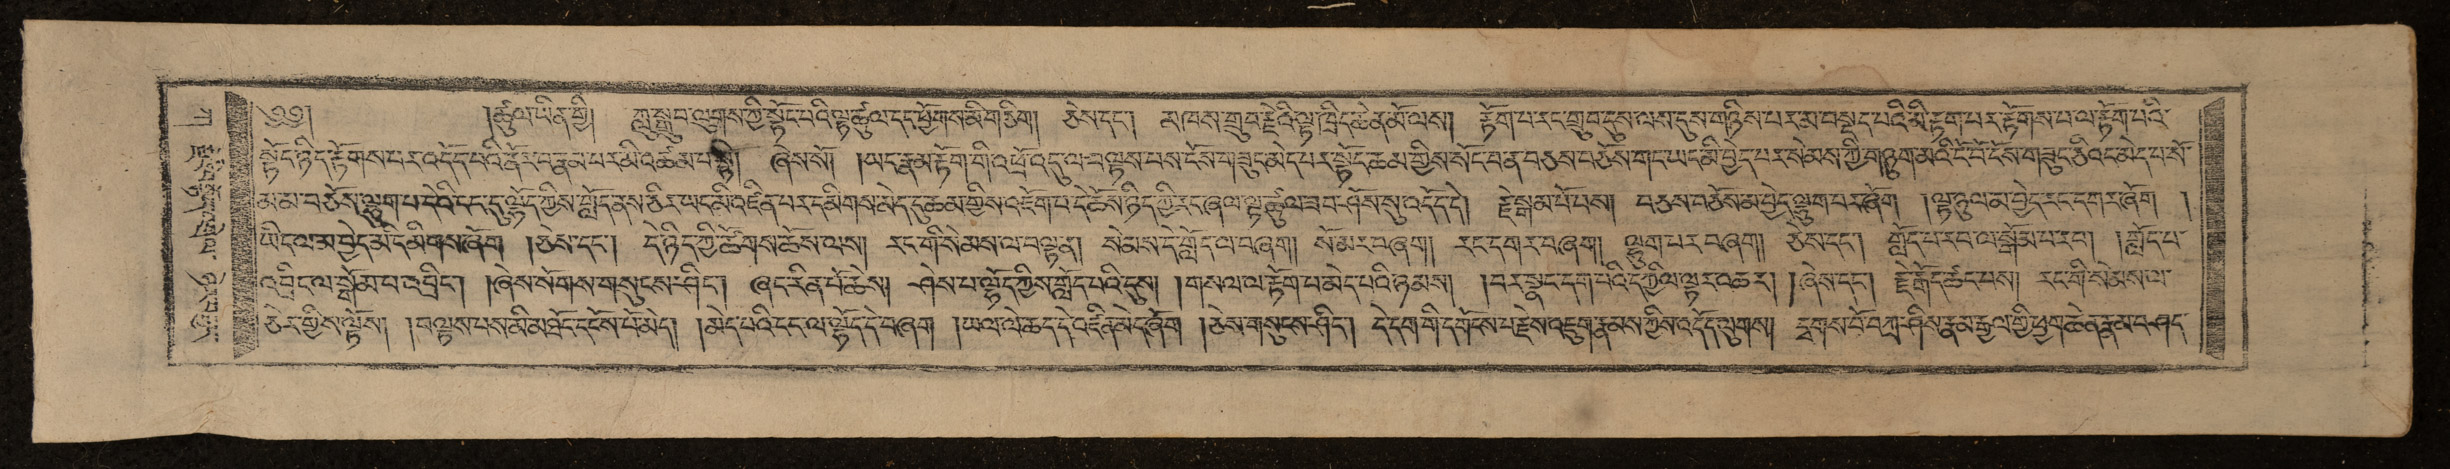༄༅། །ཚུལ་ཡིན་གྱི། ཀླུ་སྒྲུབ་ལུགས་ཀྱི་སྟོང་པའི་ལྟ་ཚུལ་དང་ཕྱོགས་མི་གཅིག། ཅེས་དང་། མཁས་གྲུབ་རྗེའི་ལྟ་ཁྲིད་ཆེན་མོ་ལས། རྟོག་པ་རང་གྲུབ་དུས་ལས་དུས་གཉིས་པར་མ་བསྡུད་བའི་མི་རྟག་པར་རྟོགས་པ་ལ་རྟོག་པའི་
སྟོང་ཉིད་རྟོགས་པར་འདོད་པའི་ནོར་བ་རྣམ་པར་མི་འཚམ་པ་སྟེ། ཞེས་སོ། །ཡང་རྣམ་རྟོག་གི་འཕྲོ་འདུལ་བལྟས་པས་ངོས་གཟུང་མེད་བར་སྟོང་ཆམ་གྱིས་སོང་བ་ན་བཅས་བཅོས་གང་ཡང་མི་བྱེད་པར་སེམས་ཀྱི་གཉུག་མའི་ངོ་བོ་ངོས་གཟུང་ཅིའང་མེད་པ་སོ་
མ་མ་བཅོས་ལྷུག་པ་དེའི་ངང་དུ་ལྷོད་ཀྱིས་གློད་ནས་ཅིར་ཡང་མི་འཛིན་པར་དམིགས་མེད་དུ་ཆམ་གྱིས་འཇོག་པ་དེ་ཆོས་ཉིད་ཀྱི་རང་ཞལ་ལྟ་ཚུལ་ཟབ་ཤོས་སུ་འདོད་དེ། རྗེ་སྒམ་པོ་བས། བཅས་བཅོས་མ་བྱེད་ལྷུག་བར་ཞོག །ལྟ་ཉུལ་མ་བྱེད་རང་དགར་ཞོག །
ཡིད་ལམ་བྱེད་མི་དམིགས་ཞོག །ཅེས་དང་། དེ་ཉིད་ཀྱི་ཚོགས་ཆོས་ལས། རང་གི་སེམས་ལ་བལྟ་ན། སེམས་དེ་གློད་ལ་བཞག། སོ་མར་བཞག། རང་དགར་བཞག། ལྷུག་བར་བཞག། ཅེས་དང་། གློད་པ་རབ་ལ་སྒོམ་པ་རབ། །གློད་པ་
འབྲིང་ལ་སྒོམ་པ་འབྲིང་། །ཞེས་སོགས་གསུངས་ཤིང་། ཞང་རིན་པོ་ཆེས། ཤེས་པ་ལྷོད་ཀྱིས་གློད་པའི་དུས། །གསལ་ལ་རྟོག་པ་མེད་པའི་ཉམས། །བར་སྣང་དག་བའི་དཀྱིལ་ལྟར་འཆར། །ཞེས་དང་། རྗེ་རྒོད་ཚང་བས། རང་གི་སེམས་ལ་
ཅེར་གྱིས་ལྟོས། །བལྟས་བས་མི་མཐོང་དངོས་པོ་མེད། །མེད་བའི་ངང?་ལ་ལྷོད་དེ་བཞག །ཡལ་ལེ་ཆད་དེ་འཛིན་མེད་ཞོག །ཅེས་གསུངས་ཤིང་། དེ་དག་གི་དགོངས་བ་རྗེས་འཇུག་རྣམས་ཀྱིས་འདོ་ལུགས། དྭགས་པོ་བཀྲ་ཤིས་རྣམ་རྒྱལ་གྱི་ཕྱག་ཆེན་རྣམ་བཤད་